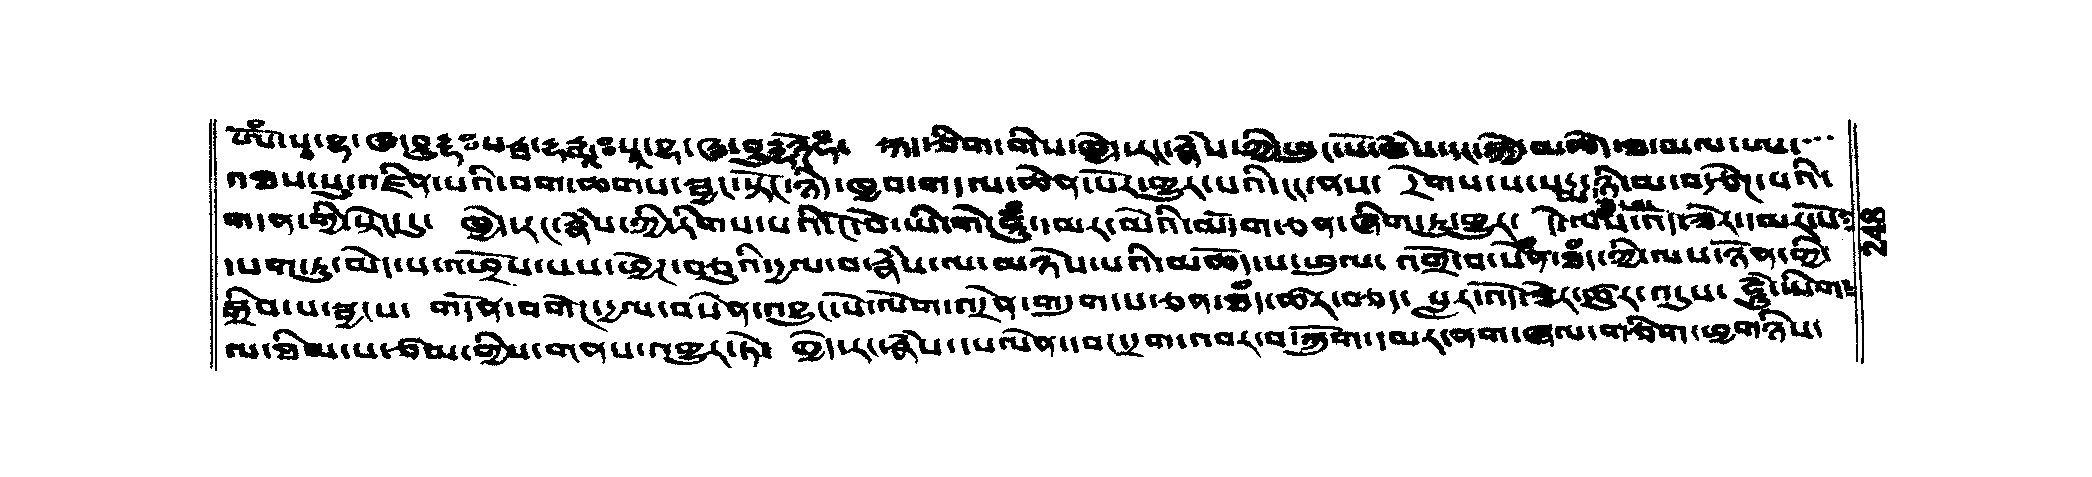ཨོྃ་སྭ་བྷ་ཝ་ཤུདྡྷཿསརྦ་དྷརྨཱཿསྭཱ་བྷ་ཝ་ཤུདྡྷཉོཧཾ། སྐད་ཅིག་གིས་ཁྱེད་རང་རྣམས་ཀྱི་ཕུང་པོ་ཁམས་དང་སྐྱེ་མཆེད་ཐ་མལ་ཡ་
འཐས་སུ་འཛིན་པའི་བག་ཆགས་སྦྱང་སྟོང་ཉིད་ཁྱབ་གདལ་ཆེན་པོར་གྱུར་པའི་ངང་ནས། དྲེགས་པ་པདྨ་ཟླ་བ་ཉི་མ་བརྩེགས་པའི་
གདན་གྱི་སྟེང་དུ། ཁྱེད་རང་རྣམས་ཀྱི་རིགས་པའི་ངོ་བོ་ཡི་གེ་ཧཱུྃ་དམར་མེའི་མདོག་ཅན་ཞིག་ཏུ་གྱུར། དེ་ལས་འོད་ཟེར་དམར་་པོ་
དཔག་ཏུ་མེད་པ་འཕྲོས་པས་ཕྱོགས་བཅུའི་རྒྱལ་བ་རྣམས་ལ་མཉེས་པའི་མཆོད་པ་ཕུལ།འགྲོ་བ་སེམས་ཅན་ཐམས་ཅད་ཀྱི་ལས་ཉོན་གྱི་
སྒྲིབ་པ་སྦྱངས། གདོན་བགེགས་རྒྱལ་བསེན་འབྱུང་པོ་ལོག་འདྲེན་གདུག་པ་ཅན་ཐམས་ཅད་ཚར་བཅད། སླར་འོད་ཟེར་ཚུར་འདུས། ཧཱུྃ་ཡིག་
ལ་ཐིམ་པ་ཙམ་གྱིས་གནས་འགྱུར་ཏེ། ཁྱེད་རང་རྣམས་དཔལ་ལེན་དབང་དྲག་འབར་བ་སྐུ་མདོག་དམར་ནག་ཞལ་གཅིག་ཕྱག་གཉིས་